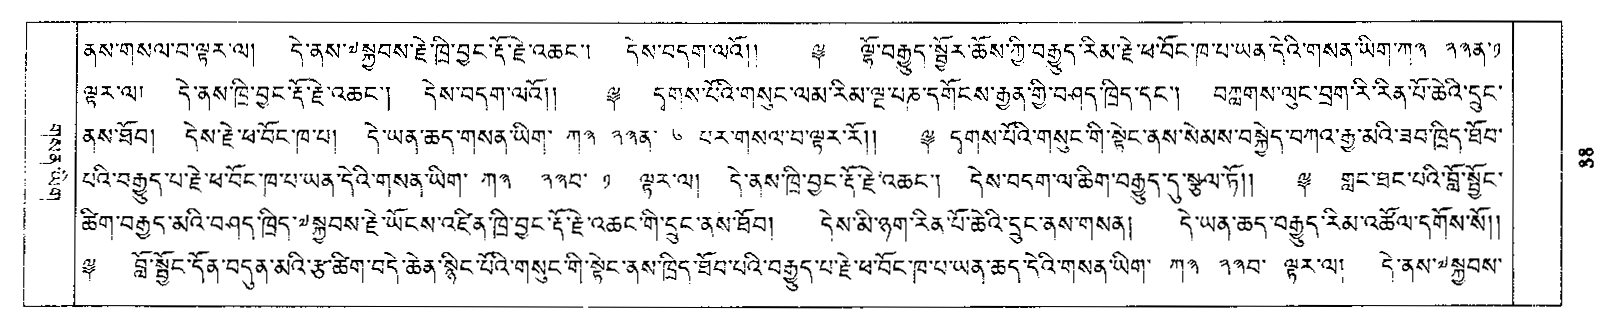ནས་གསལ་བ་ལྟར་ལ། དེ་ནས་༧་སྐྱབས་རྗེ་ཁྲི་བྱང་རྡོ་རྗེ་འཆང་། དེས་བདག་ལའོ།། ༈ ལྷོ་བརྒྱུད་སྦྱོར་ཆོས་ཀྱི་བརྒྱུད་རིམ་རྗེ་ཕ་བོང་ཁ་པ་ཡན་དེའི་གསན་ཡིག་ཀ ༣ ༢༣་ན ༡
ལྟར་ལ། དེ་ནས་ཁྲི་བྱང་རྡོ་རྗེ་འཆང་། དེས་བདག་ལའོ།། ༈ དྭགས་པོའི་གསུང་ལམ་རིམ་ལྔ་པཎ་དགོངས་རྒྱན་གྱི་བཤད་ཁྲིད་དང་། བཀླགས་ལུང་བྲག་རི་རིན་པོ་ཆེའི་དྲུང་
ནས་ཐོབ། དེས་རྗེ་ཕ་བོང་ཁ་པ། དེ་ཡན་ཆད་གསན་ཡིག་ཀ ༣ ༢༣་ན ༦་བར་གསལ་བ་ལྟར་རོ།། ༈ དྭགས་པོའི་གསུང་གི་སྟེང་ནས་སེམས་བསྐྱེད་བཀའ་རྒྱ་མའི་ཟབ་ཁྲིད་ཐོབ་
པའི་བརྒྱུད་པ་རྗེ་ཕ་བོང་ཁ་པ་ཡན་དེའི་གསན་ཡིག་ཀ ༣ ༢༣་བ ༡་ལྟར་ལ། དེ་ནས་ཁྲི་བྱང་རྡོ་རྗེ་འཆང་། དེས་བདག་ལ་ཆིག་བརྒྱུད་དུ་སྩལ་ཏོ།། ༈ གླང་ཐང་པའི་བློ་སྦྱོང་
ཚིག་བརྒྱད་མའི་བཤད་ཁྲིད་༧་སྐྱབས་རྗེ་ཡོངས་འཛིན་ཁྲི་བྱང་རྡོ་རྗེ་འཆང་གི་དྲུང་ནས་ཐོབ། དེས་མི་ཉག་རིན་པོ་ཆེའི་དྲུང་ནས་གསན། དེ་ཡན་ཆད་བརྒྱུད་རིམ་འཚོལ་དགོས་སོ།།
༈ བློ་སྦྱོང་དོན་བདུན་མའི་རྩ་ཚིག་བདེ་ཆེན་སྙིང་པོའི་གསུང་གི་སྟེང་ནས་ཁྲིད་ཐོབ་པའི་བརྒྱུད་པ་རྗེ་ཕ་བོང་ཁ་པ་ཡན་ཆད་དེའི་གསན་ཡིག་ཀ ༣ ༢༣་བ་ལྟར་ལ། དེ་ནས་༧་སྐྱབས་